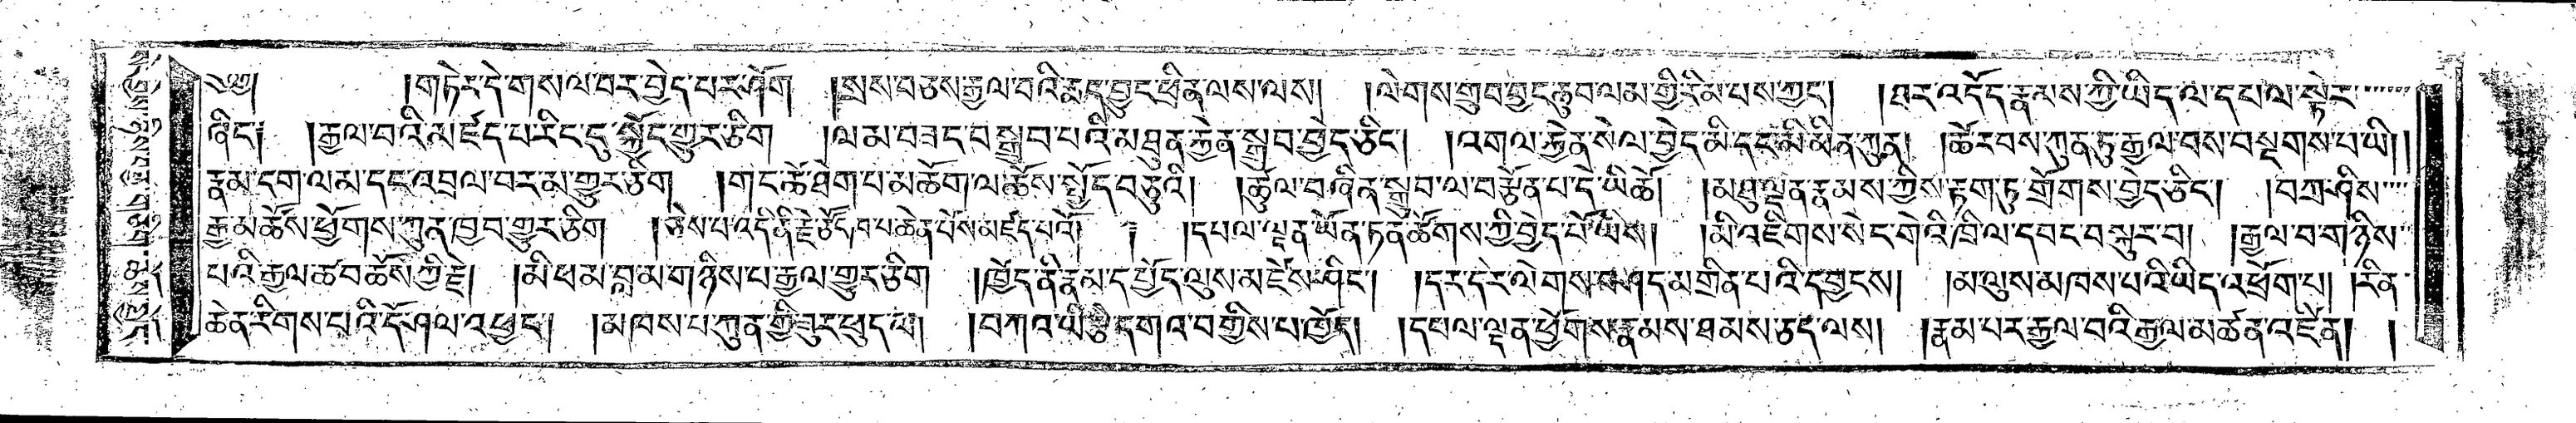༄༅། །གཏེར་དེ་གསལ་བར་བྱེད་པར་ཤོག །སྲས་བཅས་རྒྱལ་བའི་རྨད་བྱུང་ཕྲིན་ལས་ལས། །ལེགས་གྲུབ་བྱང་ཆུབ་ལམ་གྱི་རིམ་པས་ཀྱང་། །ཐར་འདོད་རྣམས་ཀྱི་ཡིད་ལ་དཔལ་སྟེར་
ཞིང་།རྒྱལ་བའི་མཛད་པ་རིང་དུ་སྐྱོང་གྱུར་ཅིག །ལམ་བཟང་བསྒྲུབ་པའི་མཐུན་རྐྱེན་སྒྲུབ་བྱེད་ཅིང་། །འགལ་རྐྱེན་སེལ་བྱེད་མི་དང་མི་མིན་ཀུན། །ཚེ་རབས་ཀུན་ཏུ་རྒྱལ་བས་བསྔགས་པ་ཡི། །
རྣམ་དག་ལམ་དང་འབྲལ་བར་མ་གྱུར་ཅིག །གང་ཚེ་ཐེག་པ་མཆོག་ལ་ཆོས་སྤྱོད་བཅུའི། །ཚུལ་བཞིན་སྒྲུབ་ལ་བརྩོན་པ་དེ་ཡི་ཚེ། །མཐུ་ལྡན་རྣམས་ཀྱིས་རྟག་ཏུ་གྲོགས་བྱེད་ཅིང་། །བཀྲ་ཤིས་
རྒྱ་མཚོས་ཕྱོགས་ཀུན་ཁྱབ་གྱུར་ཅིག །ཅེས་པ་འདི་ནི་རྗེ་ཙོང་ཁ་པ་ཆེན་པོས་མཛད་པའོ། ༈ །དཔལ་ལྡན་ཡོན་ཏན་ཚོགས་ཀྱི་བྱེད་པོ་ཡིས། །མི་འཇིགས་སེང་གེའི་ཁྲི་ལ་དབང་བསྐུར་བ། །རྒྱལ་བ་གཉིས་
པའི་རྒྱལ་ཚབ་ཆོས་ཀྱི་རྗེ། །མི་ཕམ་བླ་མ་གཉིས་པ་རྒྱལ་གྱུར་ཅིག །ཁྱོད་ནི་རྣམ་དཔྱོད་ལུས་མཛེས་ཤིང་། །དར་དེར་ལེགས་བཤད་མགྲིན་པའི་དབྱངས། །མ་ལུས་མཁས་པའི་ཡིད་འཕྲོག་པ། །རིན་
ཆེན་རིགས་པའི་དོ་ཤལ་འཕྱང་། །མཁས་པ་ཀུན་གྱི་ཟུར་ཕུད་ལ། །བཀའ་ཡི་རྩེ་དགའ་བགྱིས་པ་ཁྱོད། །དཔལ་ལྡན་ཕྱོགས་རྣམས་ཐམས་ཅད་ལས། །རྣམ་པར་རྒྱལ་བའི་རྒྱལ་མཚན་འཛིན། །